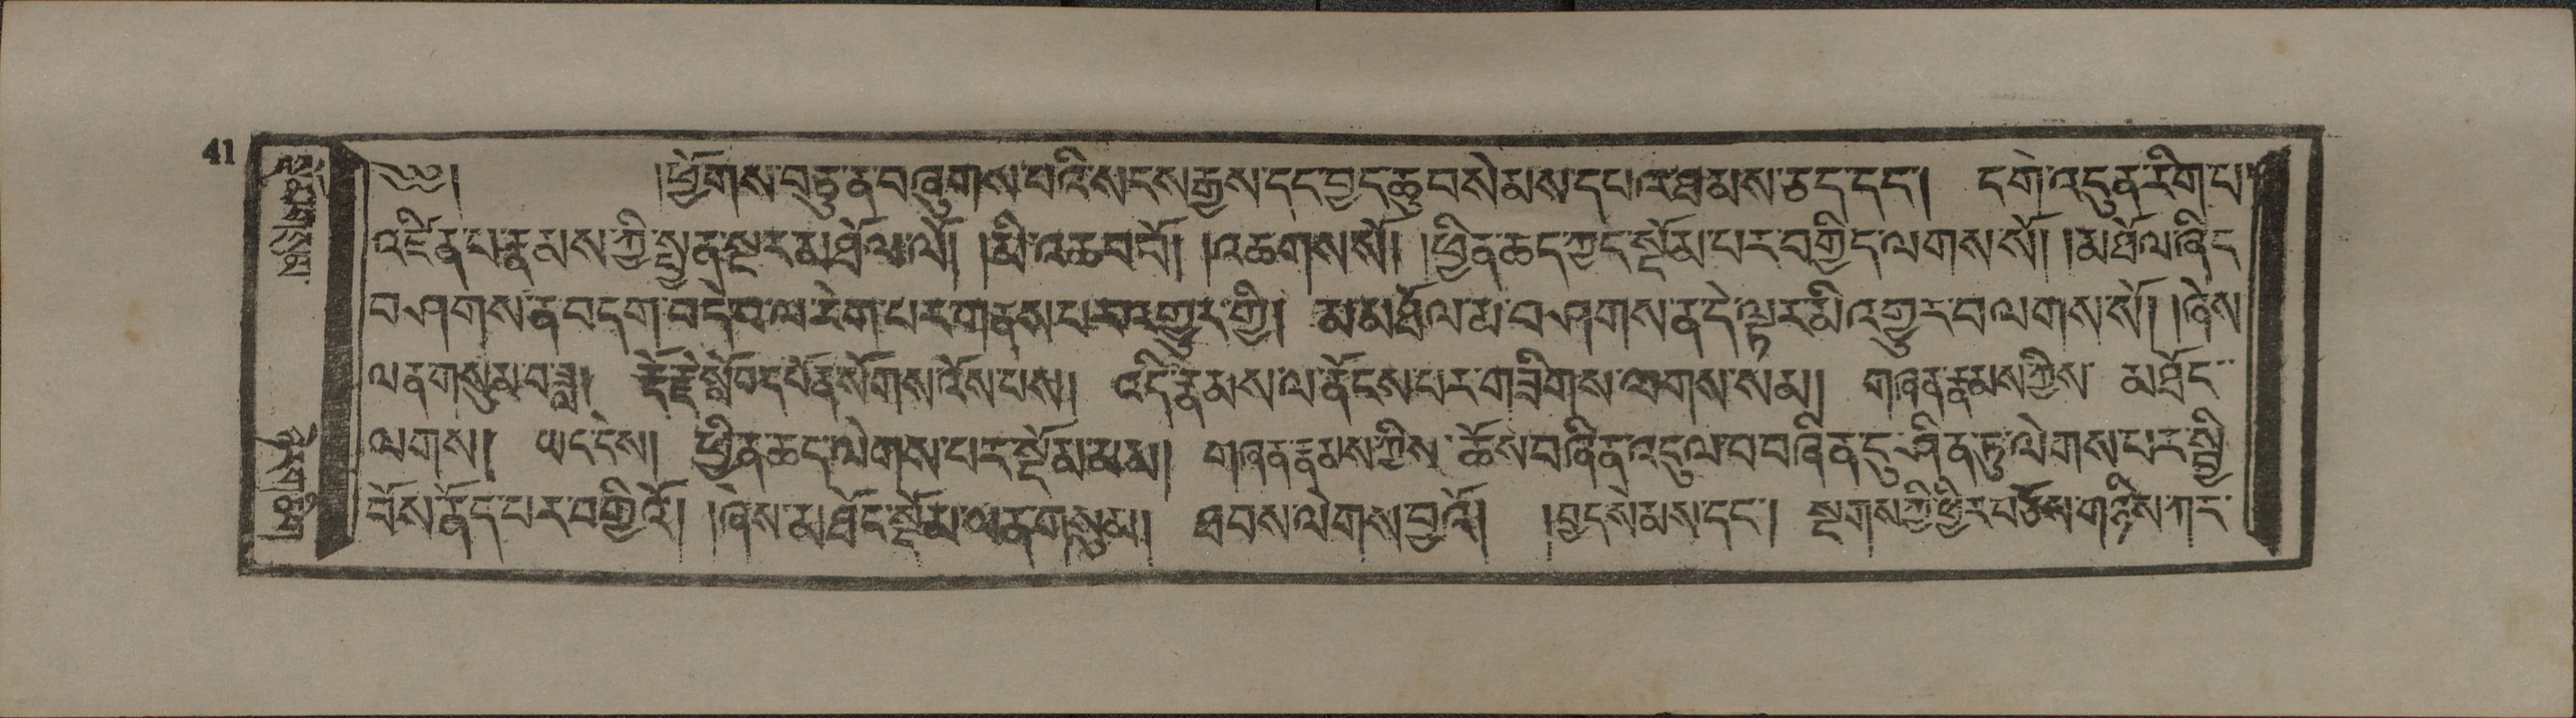༄༅། །ཕྱོགས་བཅུ་ན་བཞུགས་པའི་སངས་རྒྱས་དང་བྱང་ཆུབ་སེམས་དཔའ་ཐམས་ཅད་དང་། དགེ་འདུན་རིག་པ་
འཛིན་པ་རྣམས་ཀྱི་སྤྱན་སྔར་མཐོལ་ལོ། །མི་འཆབ་བོ། །འཆགས་སོ། །ཕྱིན་ཆད་ཀྱང་སྡོམ་པར་བགྱིད་ལགས་སོ། །མཐོལ་ཞིང་
བཤགས་ན་བདག་བདེ་བ་ལ་རེག་པར་གནས་པར་འགྱུར་གྱི། མ་མཐོལ་མ་བཤགས་ན་དེ་ལྟར་མི་འགྱུར་བ་ལགས་སོ། །ཞེས་
ལན་གསུམ་བ་ཟླ། རྡོ་རྗེ་སློབ་དཔོན་སོགས་འོས་པས། འདི་རྣམས་ལ་ནོངས་པར་གཟིགས་ལགས་སམ། གཞན་རྣམས་ཀྱིས་མཐོང་
ལགས། ཡང་ངེས།  ཕྱིན་ཆད་ལེགས་པར་སྡོམ་མམ། གཞན་རྣམས་ཀྱིས་ཆོས་བཞིན་འདུལ་པ་བཞིན་དུ་ཤིན་ཏུ་ལེགས་པར་སྤྱི་
བོས་ནོད་པར་བགྱིའོ། །ཞེས་མཐོང་སྡོམ་ལན་གསུམ། ཐབས་ལེགས་བྱའོ། །བྱང་སེམས་དང་། སྔགས་ཀྱི་ཕྱིར་བཅོས་གཉིས་ཀར་